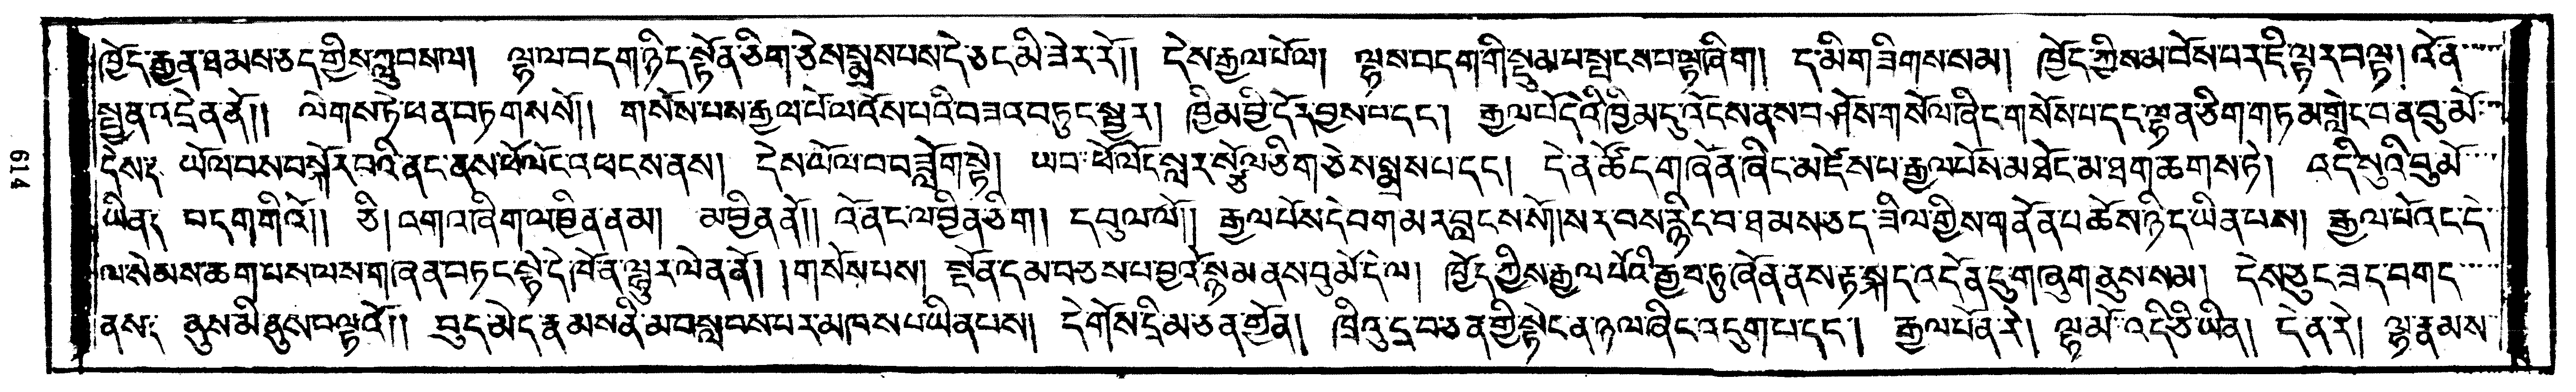ཁྱོད་རྒྱན་ཐམས་ཅད་ཀྱིས་ཀླུབས་ལ། ལྷ་ལ་བདག་ཉིད་སྟོན་ཅིག་ཅེས་སྨྲས་པས་དེ་ཅང་མི་ཟེར་རོ།། དེས་རྒྱལ་པོ་ལ། ལྷས་བདག་གི་སྡུམ་པ་སྤངས་པ་ལྟ་ཞིག། ད་མི་གཟིགས་སམ། ཁྱོད་ཀྱིས་མ་བོས་པར་ཇི་ལྟར་བལྟ། འོ་ན་
སྤྱན་འདྲེན་ནོ།། ལེགས་ཏེ་ཕན་བཏགས་སོ།། གསོས་པས་རྒྱལ་པོ་ལ་འོས་པའི་བཟའ་བཏུང་སྦྱར། ཁྱིམ་བྱི་དོར་བྱས་པ་དང་། རྒྱལ་པོ་དེའི་ཁྱིམ་དུ་འོངས་ནས་བཤོས་གསོལ་ཞིང་གསོས་པ་དང་ལྷན་ཅིག་གཏམ་གླེང་བ་ན་བུ་མོ་
དེས༑ ཡོལ་བས་བསྐོར་བའི་ནང་ནས་ཕོ་ལོང་འཕངས་ནས། དེས་ཡོལ་བ་བཟློག་སྟེ། ཡབ༑ཕོ་ལོང་སླར་སྩོལ་ཅིག་ཅེས་སྨྲས་པ་དང་། དེ་ན་ཚོད་གཞོན་ཞིང་མཛེས་པ་རྒྱལ་པོས་མཐོང་མ་ཐག་ཆགས་ཏེ། འདི་སུའི་བུ་མོ་
ཡིན༑ བདག་གིའོ།། ཅི། འགའ་ཞིག་ལ་བྱིན་ནམ། མ་བྱིན་ནོ།། འོ་ན་ང་ལ་བྱིན་ཅིག། དབུལ་ལོ།། རྒྱལ་པོས་དེ་བག་མར་བླངས་སོ། །སར་བས་རྙིང་བ་ཐམས་ཅད་ཟིལ་གྱིས་གནོན་པ་ཆོས་ཉིད་ཡིན་པས། རྒྱལ་པོའང་དེ་
ལ་སེམས་ཆག་པས་ལས་གཞན་བཏང་སྟེ་དེ་ཁོ་ན་ལྷུར་ལེན་ནོ། །གསོས་པས། སྔོན་དམ་བཅས་པ་བྱའོ་སྙམ་ནས་བུ་མོ་དེ་ལ། ཁྱོད་ཀྱིས་རྒྱལ་པོའི་རྒྱབ་ཏུ་ཞོན་ནས་རྟ་སྐད་འདོན་དུ་གཞུག་ནུས་སམ། དེས་ཅུང་ཟད་བགད་
ནས༑ ནུས་མི་ནུས་བལྟའོ།། བུད་མེད་རྣམས་ནི་མ་བསླབས་པར་མཁས་པ་ཡིན་པས། དེ་གོས་དྲི་མ་ཅན་གྱོན། ཁྲིའུ་དྲ་བ་ཅན་གྱི་སྟེང་ན་ཉལ་ཞིང་འདུག་པ་དང་། རྒྱལ་པོ་ན་རེ། ལྷ་མོ་འདི་ཅ་ཡིན། དེ་ན་རེ། ལྷ་རྣམས་